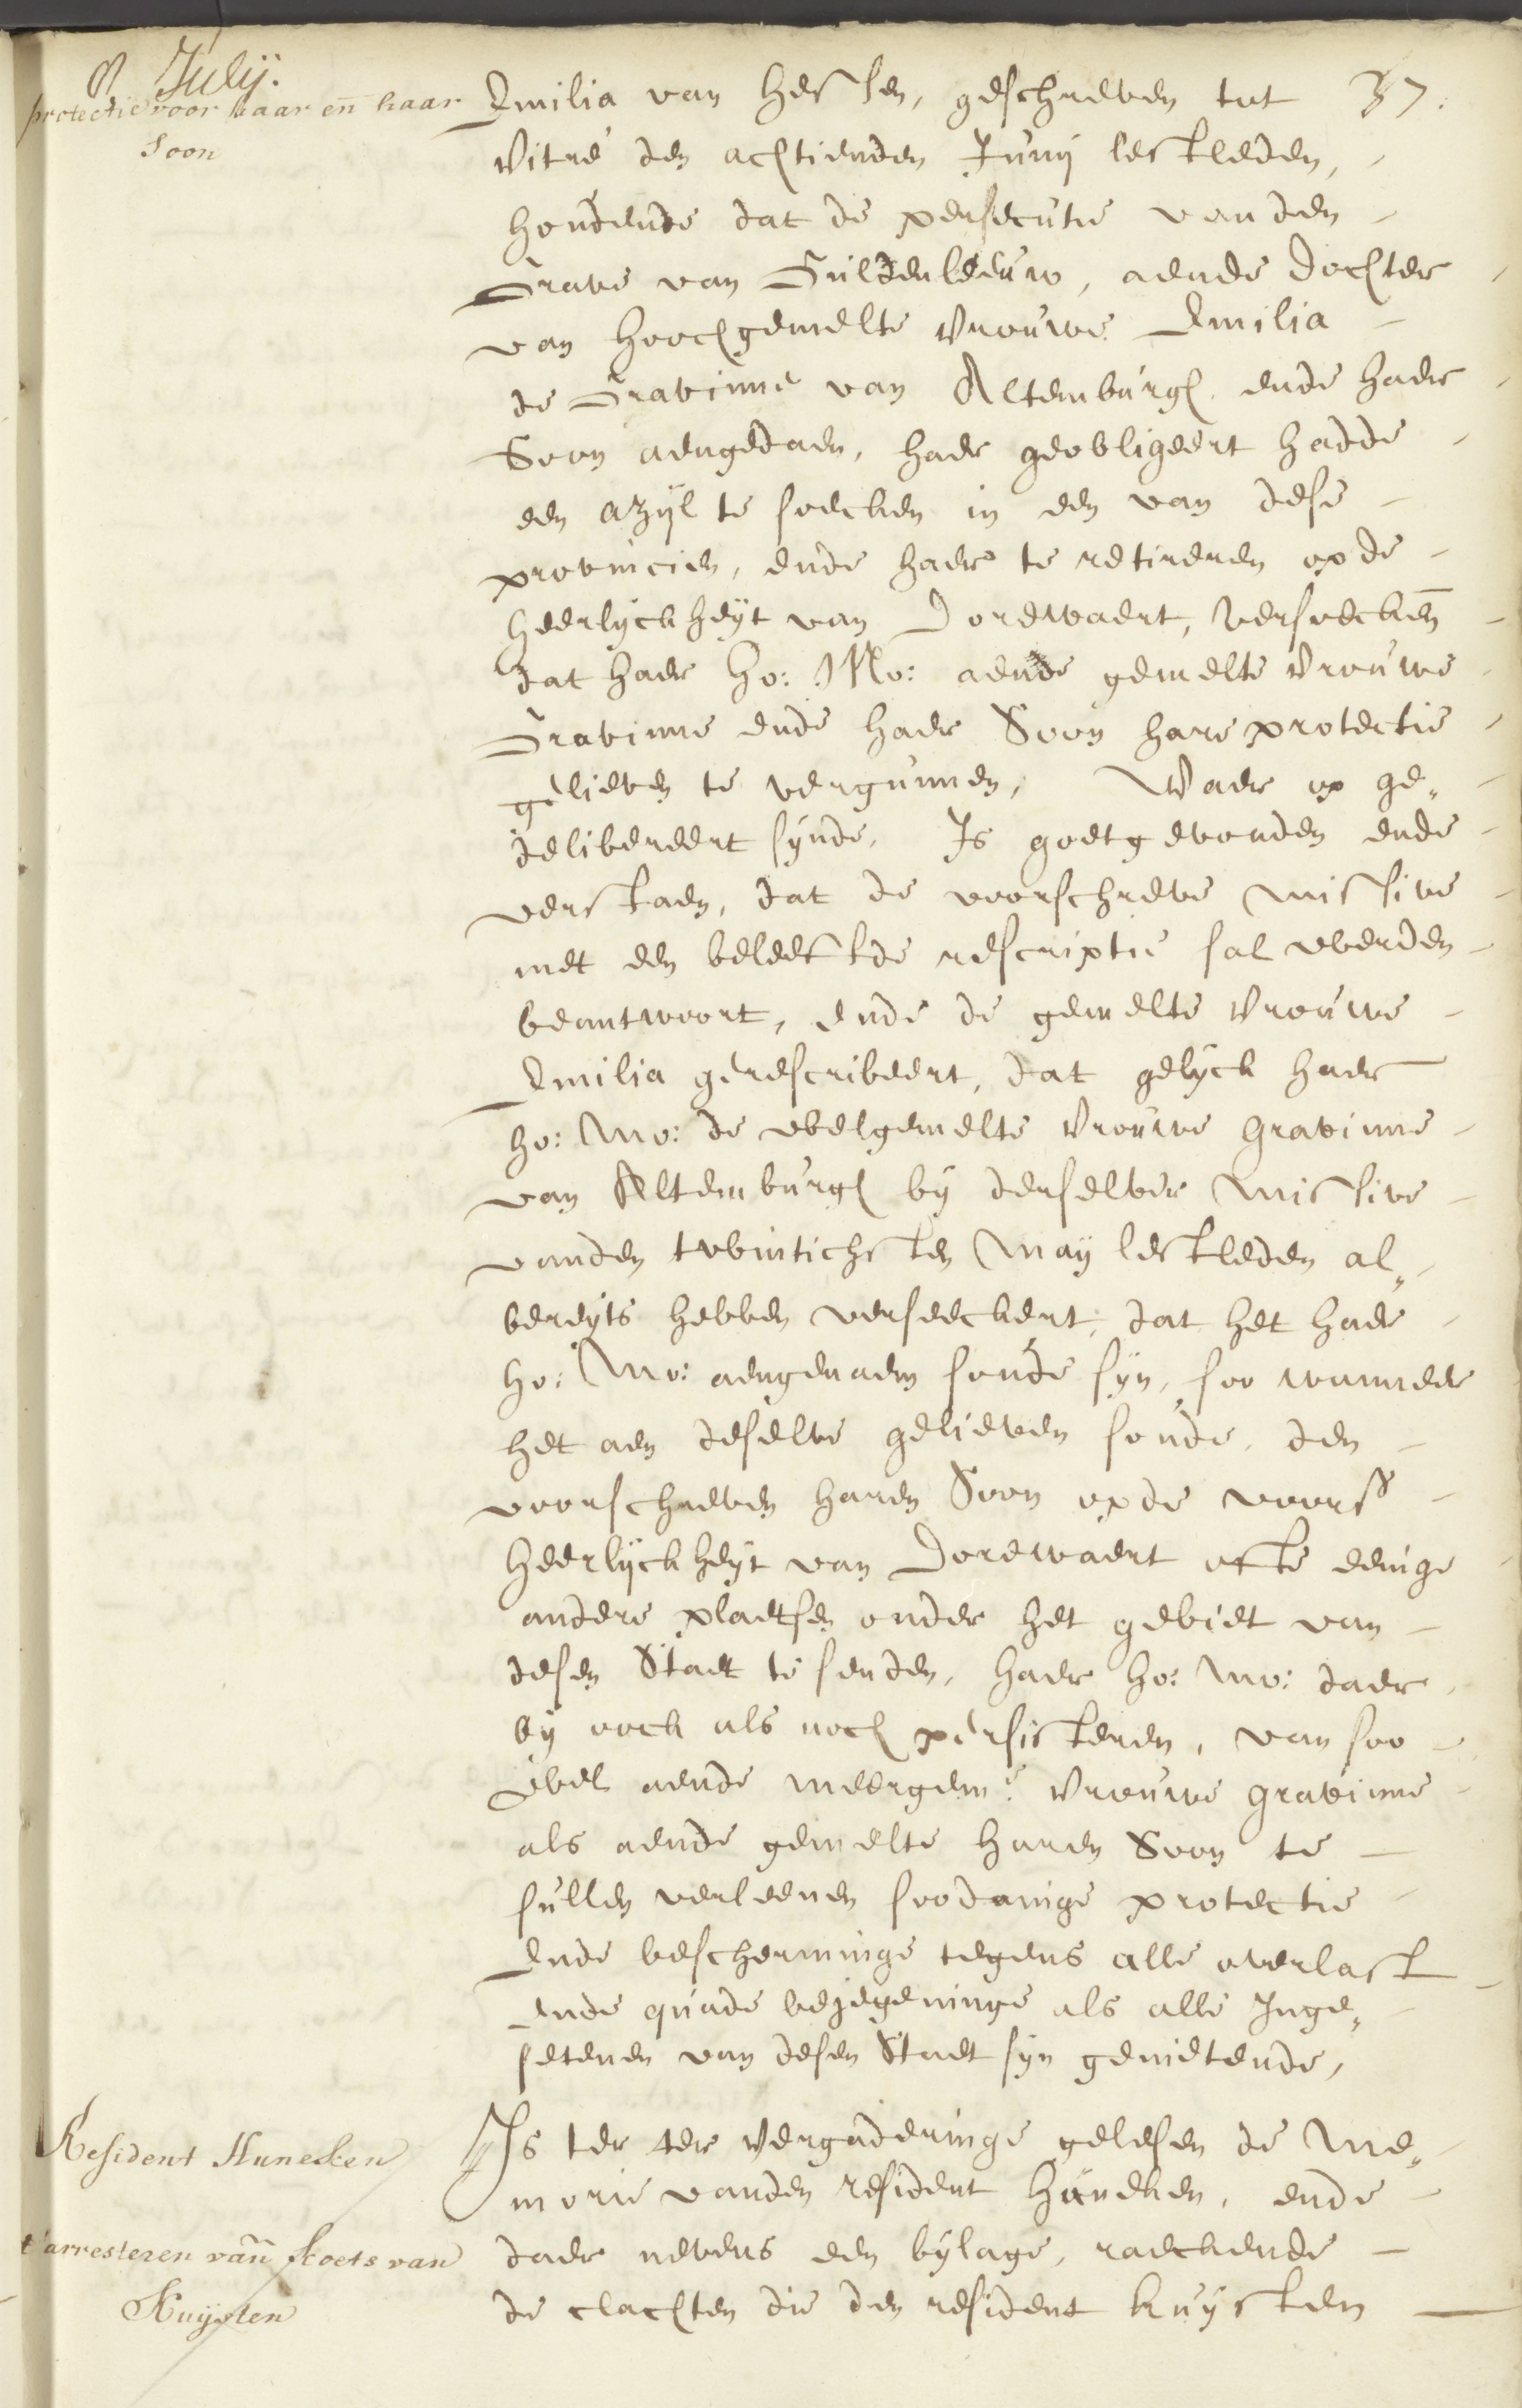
37.
8 Julij.
potectie voor haar en haar
soon
Emilia van Hessen, geschreven tot
Vitré den achtienden Junij lestleden,
houdende dat de persecutie van den
Grave van Guldenleeuw, aende Dochter
van hoochgemelte Vrouwe Emilia
de Gravinne van Altenburgh, ende haer
Soon aengedaen, haer geobligeert hadde
een azijl te soecken in een van dese
provincien, ende haer te retireren op de
heerlijckheijt van Dorewaert, versoecken
dat haer ho:Mo: aende gemelte Vrouwe
Gravinne ende haer Soon hare protectie
gelieven te vergunnen; Waer op ge„
delibereert sijnde, Is goetgevonden ende
verstaen, dat de voorschreve missive
met een beleeffde rescriptie sal werden
beantwoort, ende de gemelte Vrouwe
Emilia gerescribeert, dat gelijck haer
ho:mo: de welgemelte Vrouwe Gravinne
van Altenburgh bij derselver missive
vanden twintichsten maij lestleden al
bereijts hebben verseeckert, dat het haer
ho:mo: aengenaem soude sijn, soo wanneer
het aen deselve gelieven soude den
voorschreven haren Soon opde voors
heerlijckheijt van Dorewaert ofte eenige
andere plaetsen onder het gebiet van
desen Staet te senden, haer ho:mo: daer
bij oock als noch persisteren, van soo
wel aende meergeme. Vrouwe gravinne
als aende gemelte haren Soon te
sullen verleenen soodanige protectie
ende bescherminge tegens alle overlast
ende quade bejegeninge als alle Inge„
setenen van desen Staet sijn genietende.
Resident Huneken
t' arresteren van koets van
Kuijsten
Is ter ter vergaderinge gelesen de me,,
morie vanden resident huneken, ende
daer nevens een bijlage raeckende
de clachten die den resident kuijsten
